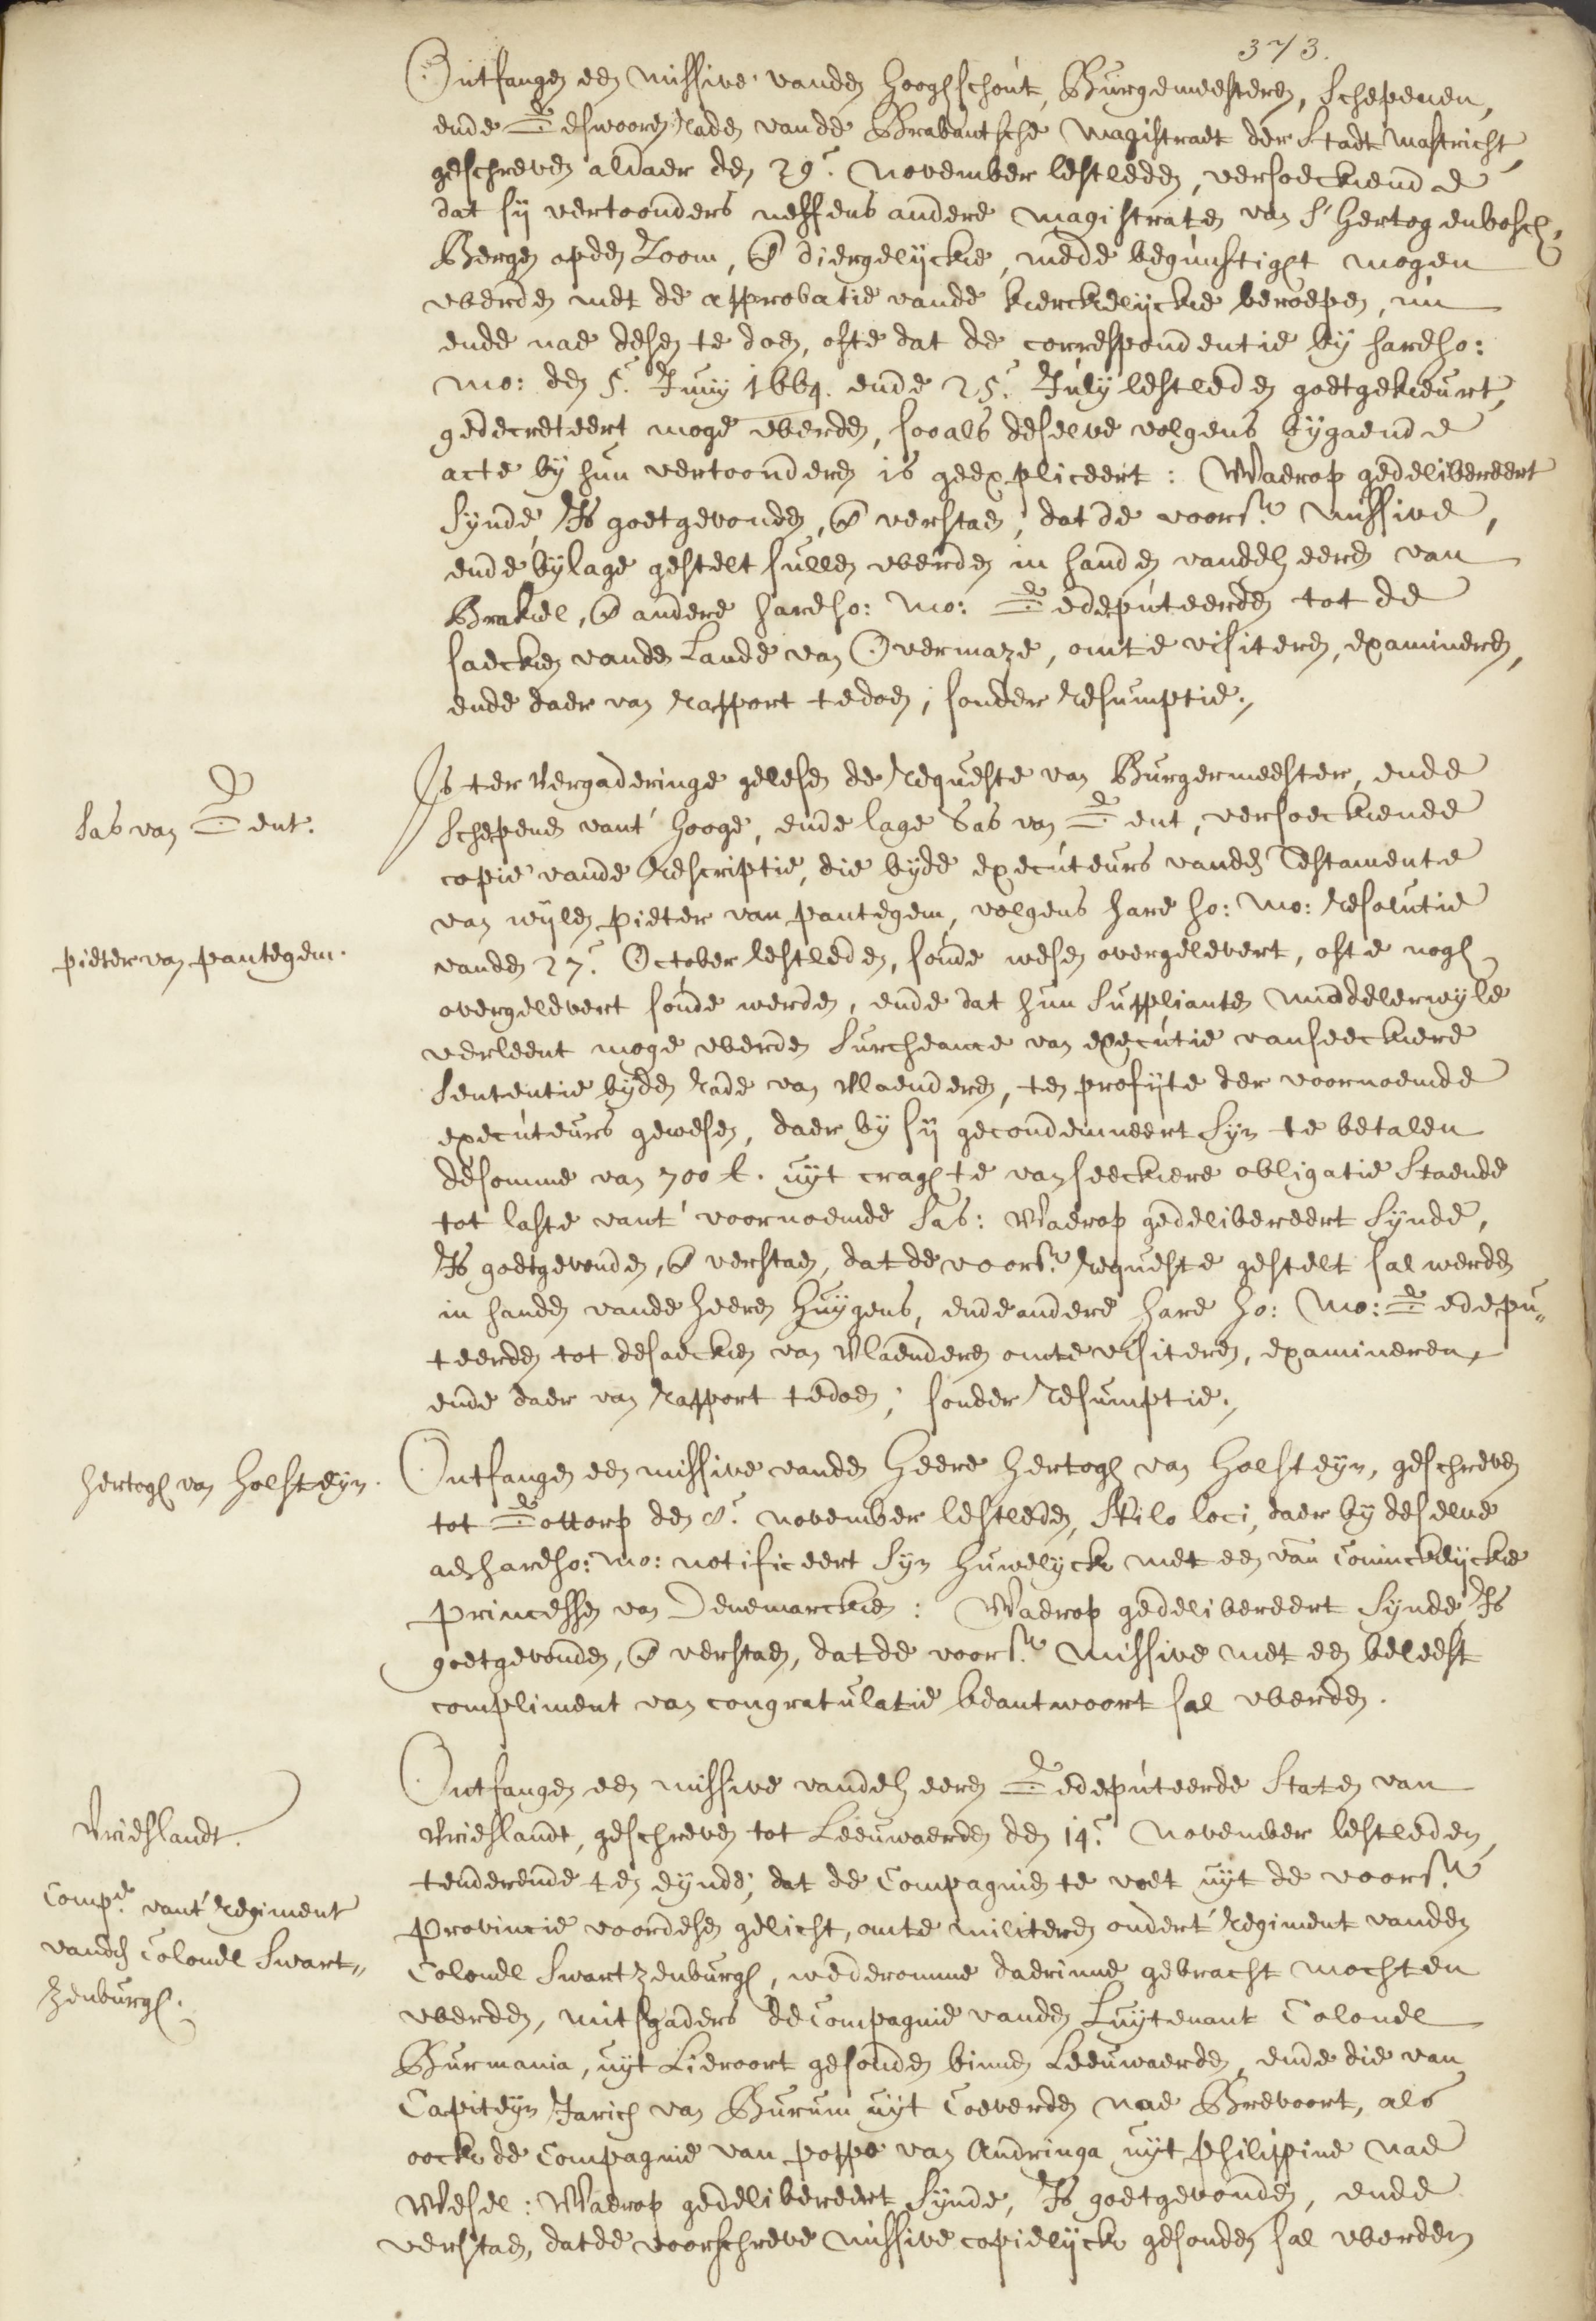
373.
Ontfangen een missive vanden Hooghschout, Burgemeesteren, schepenen,
ende Geswooren Raden vande Brabantsche Magistraet der stadt mastricht,
geschreven aldaer den 29e november lestleden, versoeckende
dat sij vertoonders neffens andere magistraten van s‛Hertogenbosch,
Bergen opden Zoom, & diergelijcke mede begunstight mogen
werden met de approbatie vande kerckelijcke beroepen, nu
ende nae desen te doen, ofte dat de correspondentie bij hare ho:
mo: den 5e. Junij 1664. ende 25e. Julij lestleden goetgekeurt,
gedecreteert moge werden, soo als deselve volgens bijgaende
acte bij hun vertoonderen is geexpliceert: Waerop gedelibereert
sijnde, Is goetgevonden, & verstaen, dat de voors. missive,
ende bijlage gestelt sullen werden in handen vande heeren van
Brakel, & andere hare ho:mo: Gedeputeerden tot de
saecken vanden Lande van Overmaze, om te visiteren, examineren,
ende daer van rapport te doen, sonder resumptie.
sas van Gent.
Pieter van Pantegem.
Is ter Vergaderinge gelesen de Requeste van Burgermeester, ende
schepenen vant hooge, ende lage Sas van Gent, versoeckende
copie vande rescriptie, die bijde executeurs vanden Testamente
van wijlen Pieter van Pantegem, volgens hare ho:mo: resolutie
vanden 27e. October lestleden, soude wesen overgelevert, ofte nogh
overgelevert soude werden, ende dat hun supplianten middelerwijle
verleent moge werden surcheance van executie van seeckere
sententie bijden Rade van Vlaenderen, ten profijte der voornoemde
executeurs gewesen, daer bij sij gecondemneert sijn te betalen
de somme van 700 l. uijt craghte van seeckere obligatie staende
tot laste vant‛ voornoemde sas: Waerop gedelibereert sijnde,
Is goetgevonden, & verstaen, dat de voors. Requeste gestelt sal werden
in handen vande heeren Huijgens, ende andere hare ho:Mo: Gedepu„
teerden tot de saecken van Vlaenderen om te visiteren, examineren,
ende daer van rapport te doen; sonder resumptie.
hertogh van Holsteijn.
Ontfangen een missive vanden Heere hertogh van Holsteijn, geschreven
tot Gottorp den 8e. november lestleden, stilo loci, daer bij deselve
aen hare ho:mo: notificeert sijn huwelijck met een van Conincklijcke
Princessen van Denemarcken: Waerop gedelibereert sijnde, Is
goetgevonden, & verstaen, dat de voors. missive met een beleeft
compliment van congratulatie beantwoort sal werden.
Vrieslandt.
Compe. vant‛ regiment
vanden Colonel Swart„
zenburgh.
Ontfangen een missive vande heeren Gedeputeerde Staten van
Vrieslandt, geschreven tot Leeuwaerden den 14e november lestleden,
tenderende ten eijnde; dat de Compagnien te voet uijt de voors.
Provincie voor desen gelicht, om te militeren ondert' regiment vanden
Colonel Swartzenburgh, wederomme daerinne gebracht mochten
werden, mitsgaders de Compagnie vanden Luijtenant Colonel
Burmania, uijt Lieroort gesonden binnen Leeuwaerden, ende die van
Capiteijn Jarich van Burum uijt Coeverden nae Brevoort, als
oock de Compagnie van Poppo van Andringa uijt Philippine nae
Wesel: Waerop gedelibereert sijnde, Is goetgevonden, ende
verstaen, dat de voorschreve missive copielijck gesonden sal werden
